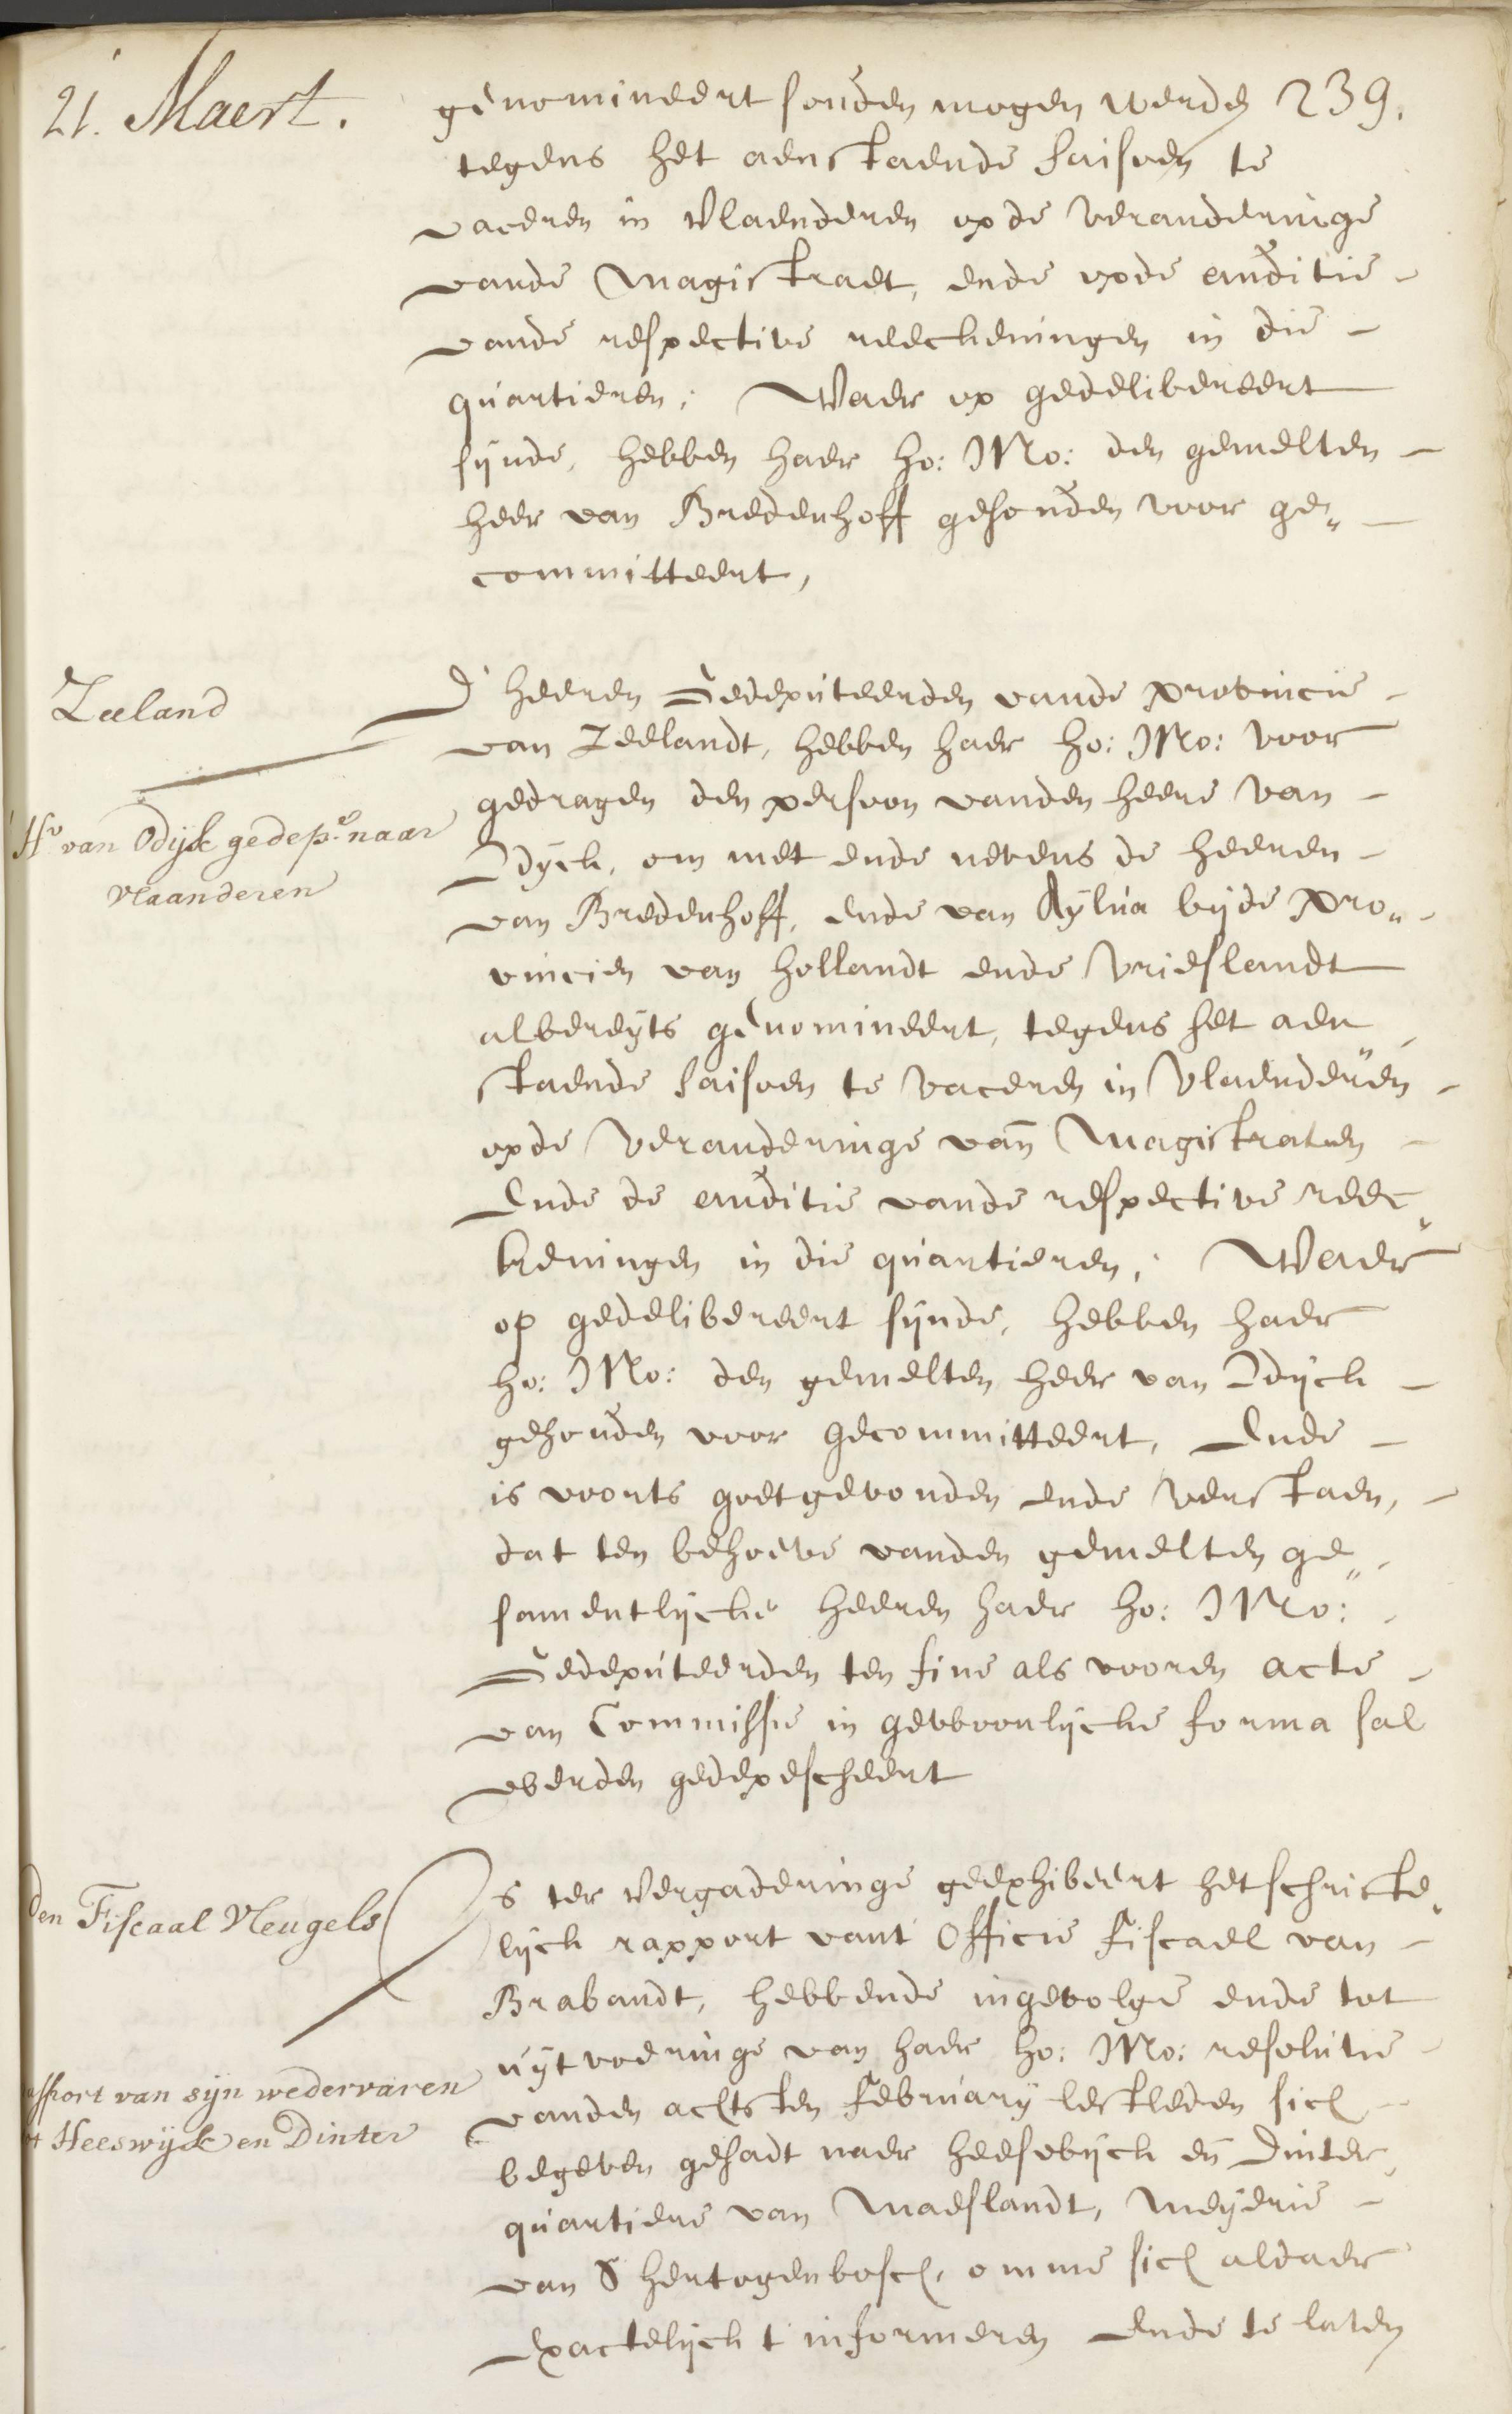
239
21. Maert.
genomineert souden mogen werden
tegens het aenstaende saisoen te
vaceren in Vlaenderen opde veranderinge
vande Magistraet, ende opde auditie
vande respective reeckeningen in die —
quartieren: Waer op gedelibereert
sijnde, hebben haer ho:Mo: den gemelten —
heer van Bredenhoff gesonden voor ge„
committeert.
Zeeland
Hr van Odijk gedepue naar
Vlaanderen
D‛heeren Gedeputeerden vande provincie
van Zeelandt, hebben haer ho:Mo: voor
gedragen den persoon vanden heere van —
Odijck, om met ende nevens de heeren —
van Brederhoff, ende van Aijlua bijde Pro„
vincien van hollandt ende Vrieslandt
albereijts genomineert, tegens het aen„
staende saisoen te vaceren in Vlaenderen —
opde veranderinge van Magistraten —
Ende de auditie vande respective reec„
keningen in die quartieren: Waer
op gedelibereert sijnde, hebben haer
ho:Mo: den gemelten heer van Odijck —
gehouden voor gecommitteert. Ende —
is voorts goetgevonden ende verstaen, —
dat ten behoeve vanden gemelten ge„
samentlijcke heeren haer ho:Mo:
Gedeputeerden ten fine als vooren acte
van Commissie in gewoonlijcke forma sal
werden gedepescheert.
den Fiscaal Vleugels
(r)apport van sijn wedervaren
(t)ot Heeswijck en Dinter
Is ter Vergaderinge geexhibeert het schrifte„
lijck rapport vant' Officie Fiscael van
Brabandt, hebbende ingevolge ende tot
uijtvoeringe van haer ho:Mo: resolutie
vanden achtsten februarij lestleden sich
begeven gehadt naer heesewijck en Dinter,
quartiere van Maeslandt, Meijerie —
van Shertogenbosch, omme sich aldaer
exactelijck t‛ informeren Ende te laten
